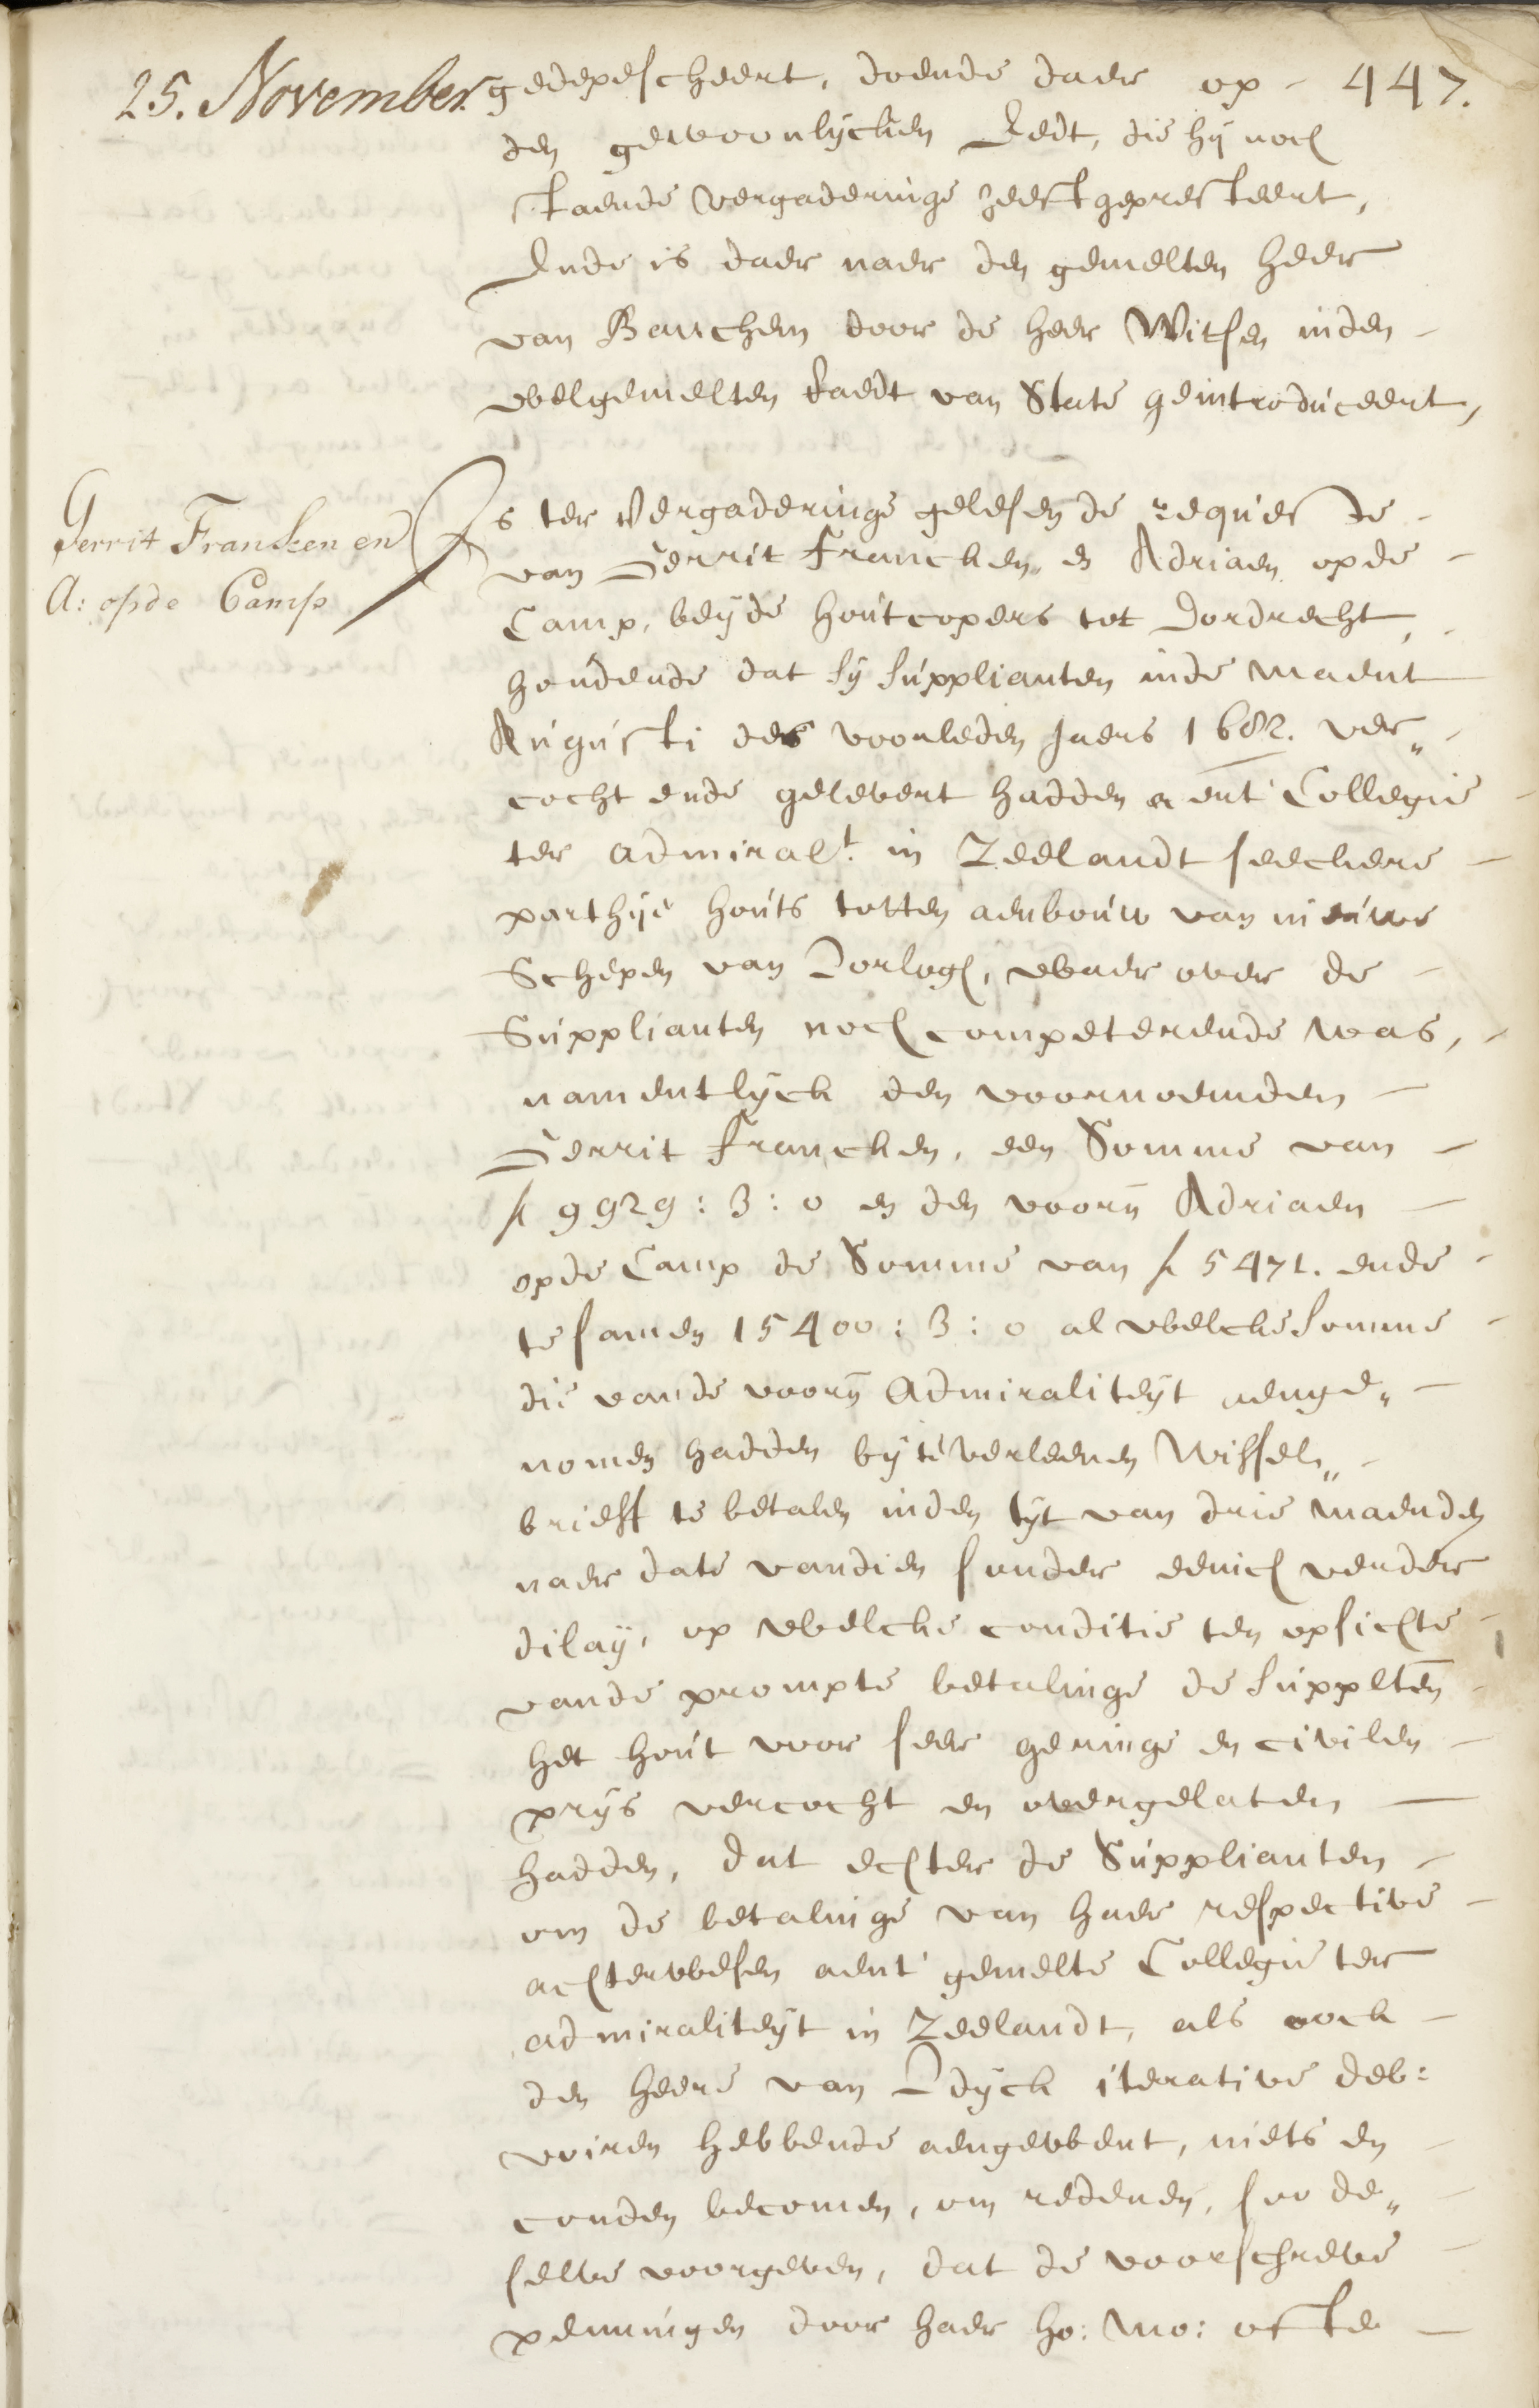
447.
25. November.
gedepescheert, doende daer op
den gewoonlijcken Eedt, die hij noch
staende vergaderinge heeft gepresteert.
ende is daer naer den gemelten heer
van Banchem door de heer Witsen inden
welgemelten Raedt van State geintroduceert.
Gerrit Franken en
A: opde Camp
Is ter vergaderinge gelesen de requeste
van Gerrit Francken en Adriaen opde
Camp, beijde houtcopers tot Dordrecht
houdende dat sij supplianten inde maent
Augusti des voorleden jaers 1682. ver„
cocht ende gelevert hadden aent Collegie
ter Admiralt. in Zeelandt seeckere
parthije houts totten aenbouw van nieuwe
Schepen van Oorlogh, waer over de
Supplianten noch competerende was,
namentlijck den voornoemden
Gerrit Francken, een Somme van
fl 9929: 3: 0 en den voorn Adriaen
opde Camp de Somme van fl 5471. ende
tesamen 15400 :3 :0 al welcke somme
die vande voorn admiraliteijt aenge„
nomen hadden bij te verleenen wissel,,
brieff te betalen inden tijt van drie maenden
naer date vandien sonder eenich verder
dilaij, op welcke conditie ten opsichte
vande prompte betelinge de supplten
het hout voor seer geringe en civilen
prijs vercocht en overgelaten
hadden, dat echter de Supplianten
om de betalinge van haer respective
achterwesen aent' gemelte Collegie ter
admiraliteijt in Zeelandt, als oock
den heere van Odijck iterative deb:
voiren hebbende aengewent, niets en
conden becomen, om redenen, soo de
selve voorgeven, dat de voorschreve
penningen door haer ho:mo: ofte
